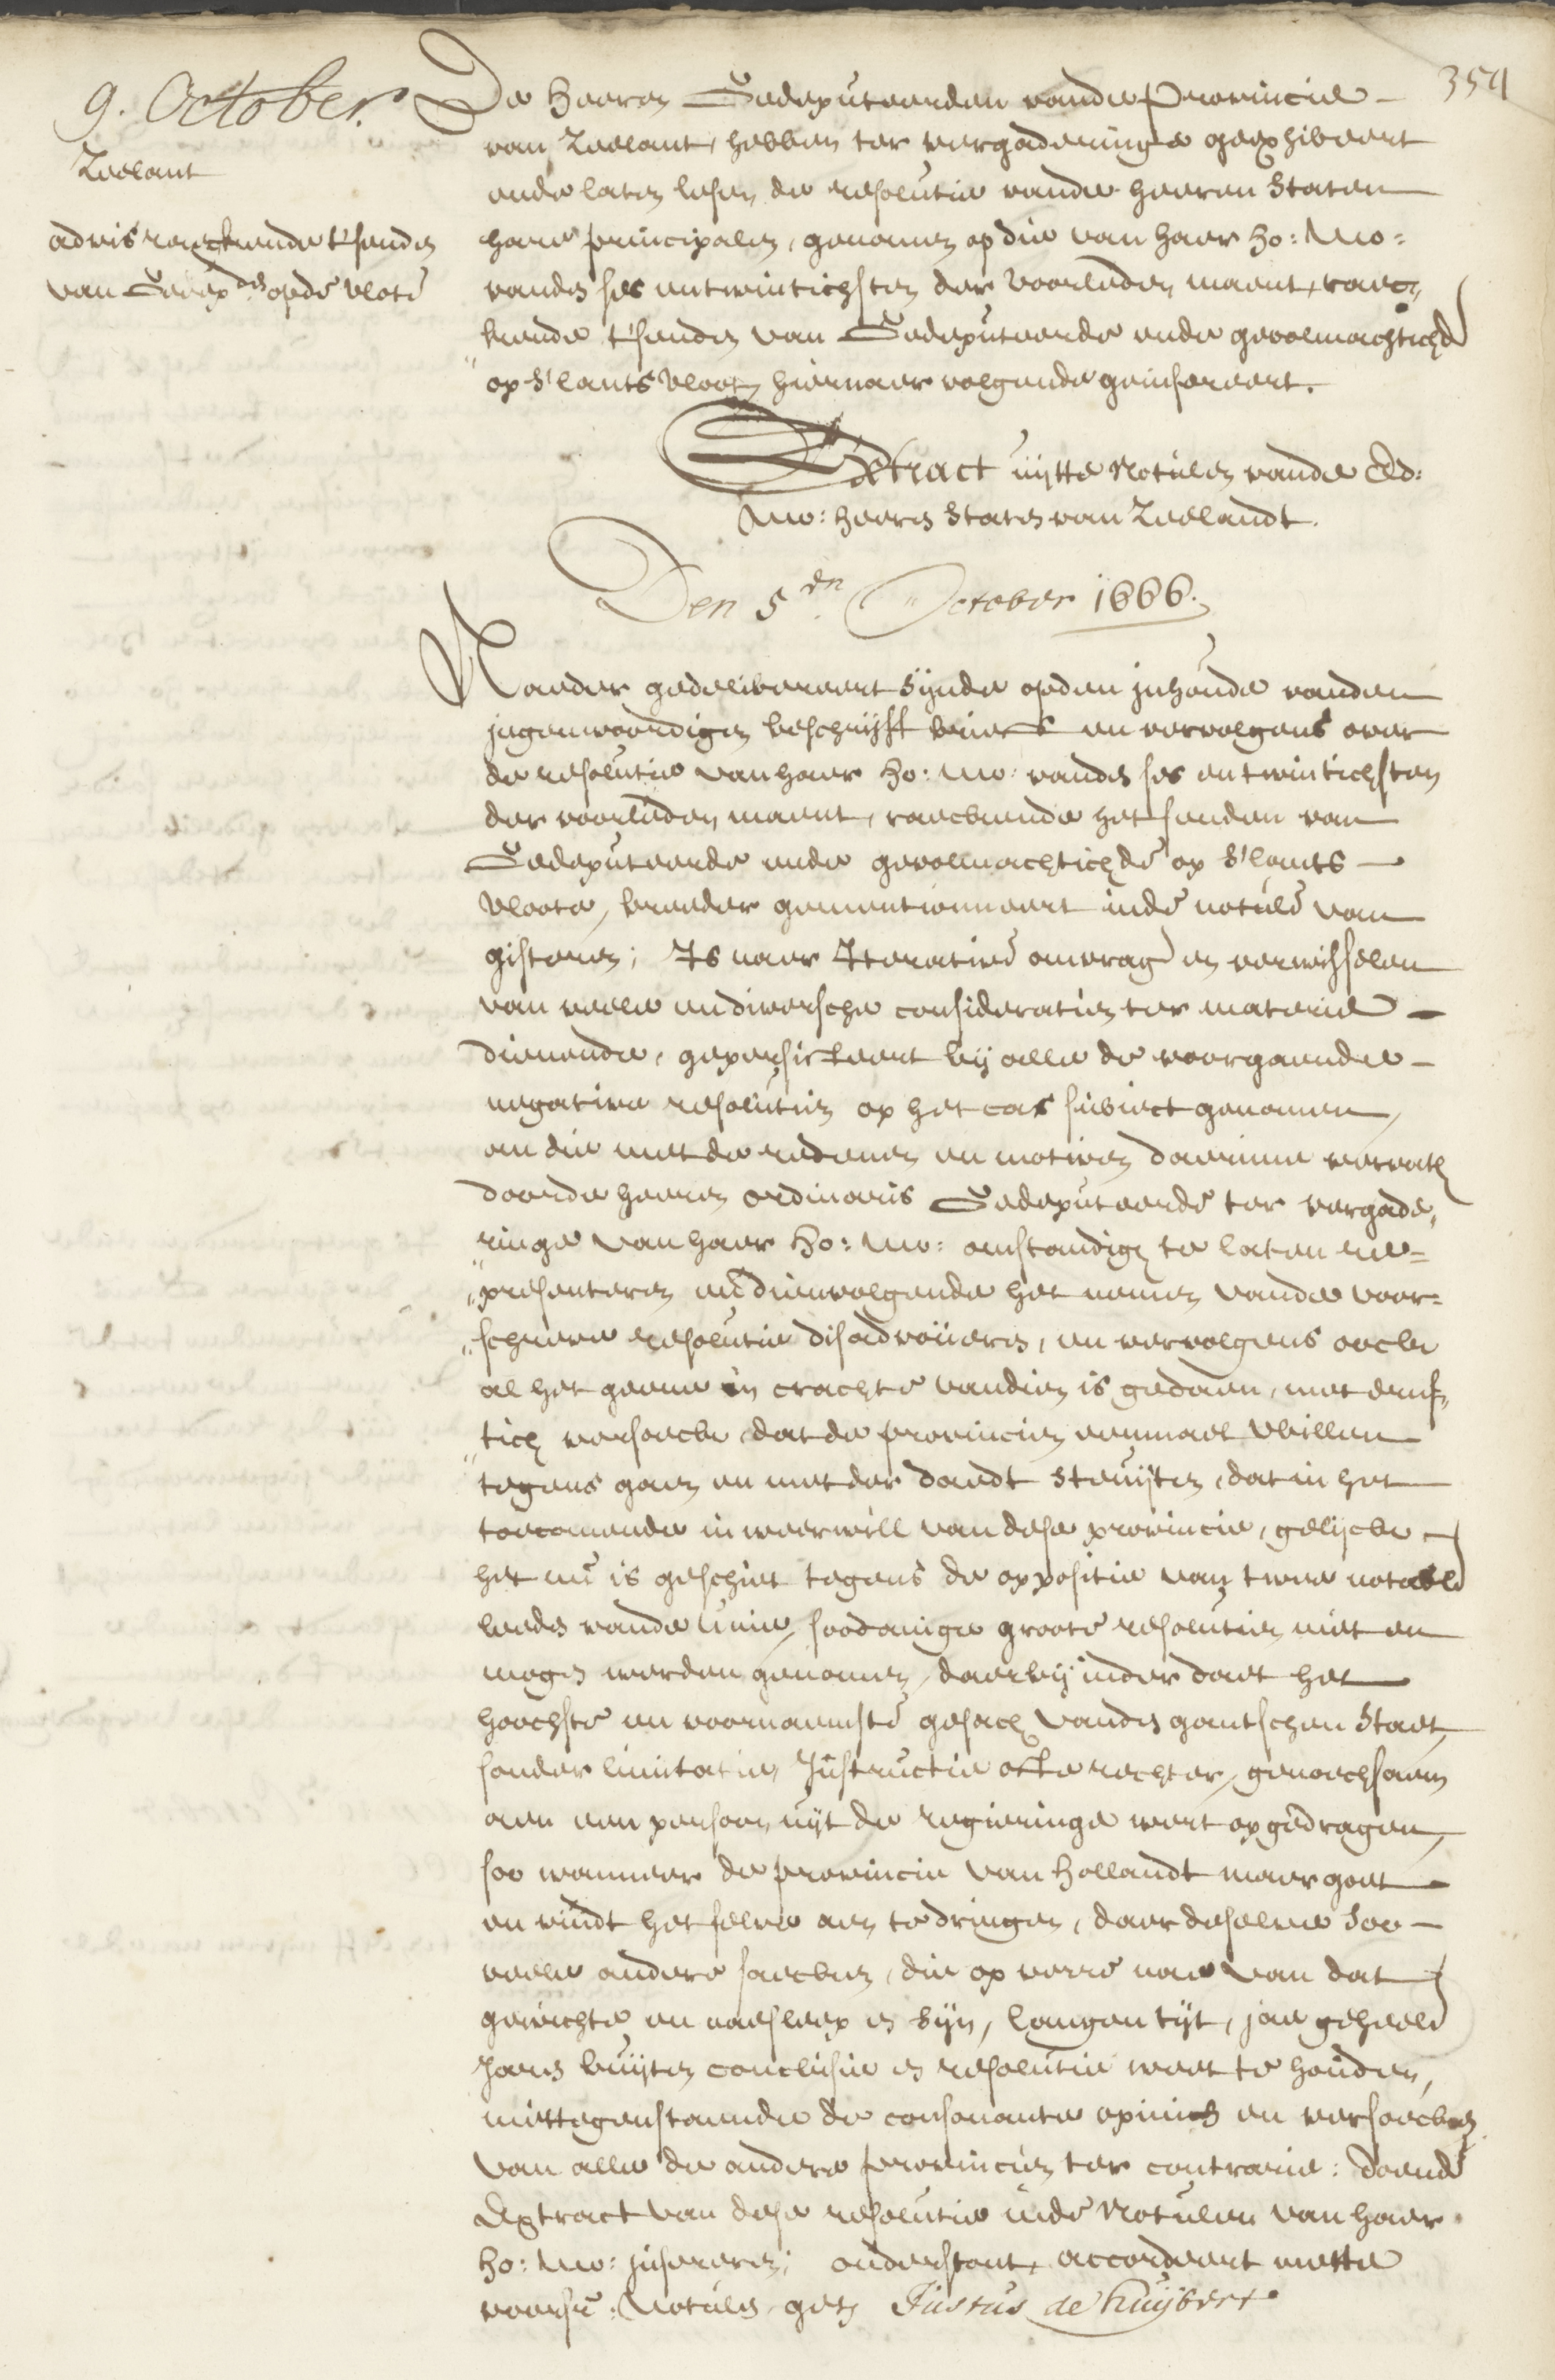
354
9. October.
Zeelant
advis raeckende t'houden
van Gedepden. opde vlote
De heeren Gedeputeerden vande Provincie —
van Zeelant, hebben ter vergaderinge geexhibeert
ende laten lesen de resolutie vande heeren Staten
hare principalen, genomen op die van haer Ho:Mo:
vanden ses entwintichsten der voorleden maent, raec,,
„kende t'senden van Gedeputeerde ende gevolmachtichd
op s'lants vloot, hiernaer volgende geinsereert.
Extract uijtte Notulen vande Ed:
Mo: heeren staten van Zeelandt.
Den 5en October 1666.
Naerder gedelibereert sijnde opden inhoude vanden
jegenwoordigen beschrijff brieff en vervolgens over
de resolutie van haer Ho:Mo: vanden ses entwintichsten
der voorleden maent, raeckende het senden van
Gedeputeerde ende gevolmachtichde op s'lants
vloote, breeder gementionneert inde notule van
gisteren: Is naer Iterative omvrage en verwisselen
van veele en diversche consideratien ter materie
dienende, gepersisteert bij alle de voorgaende
negative resolutien op het cas subiect genomen
en die met de redenen en motiven daerinne vervath
door de heeren ordinaris Gedeputeerde ter vergade,,
„ringe van haer Ho:Mo: omstandigh te laten re=
„presenteren en dienvolgende het nemen vande voor„
„schreve resolutie disadvoueren, en vervolgens oock
al het geene in crachte vandien is gedaen, met erns,,
„tich versoeck, dat de provincien eenmael willen
tegens gaen en metder daedt steuijten, dat in het
toecomende in weerwill van dese provincie, gelijck
het nu is geschiet tegens de oppositie van twee notable
leeden vande Unie, soodanige groote resolutien niet en
mogen werden genomen, daerbij inder daet het
hoochste en voornaemste gesach vanden gantschen staet
sonder limitatie, Instructie ofte rechter, genoechsaem
aen een persoon uijt de regieringe wert opgedragen
soo wanneer de provincie van Hollandt maer goet
en vindt het selve aen te dringen, daer deselve soe
veele andere saecken, die op verre nae van dat
gewichte en nasleep en sijn, langen tijt, jae geheele
Jaren buijten conclusie en resolutie weet te houden,
niettegenstaende de consonante opinien en versoecken
van alle de andere provincien ter contrarie: doende
Extract van dese resolutie inde Notulen van haer
Ho:Mo: insereren: onderstont, accordeert mette
voorsr Notulen, get Justus de Huijbert
